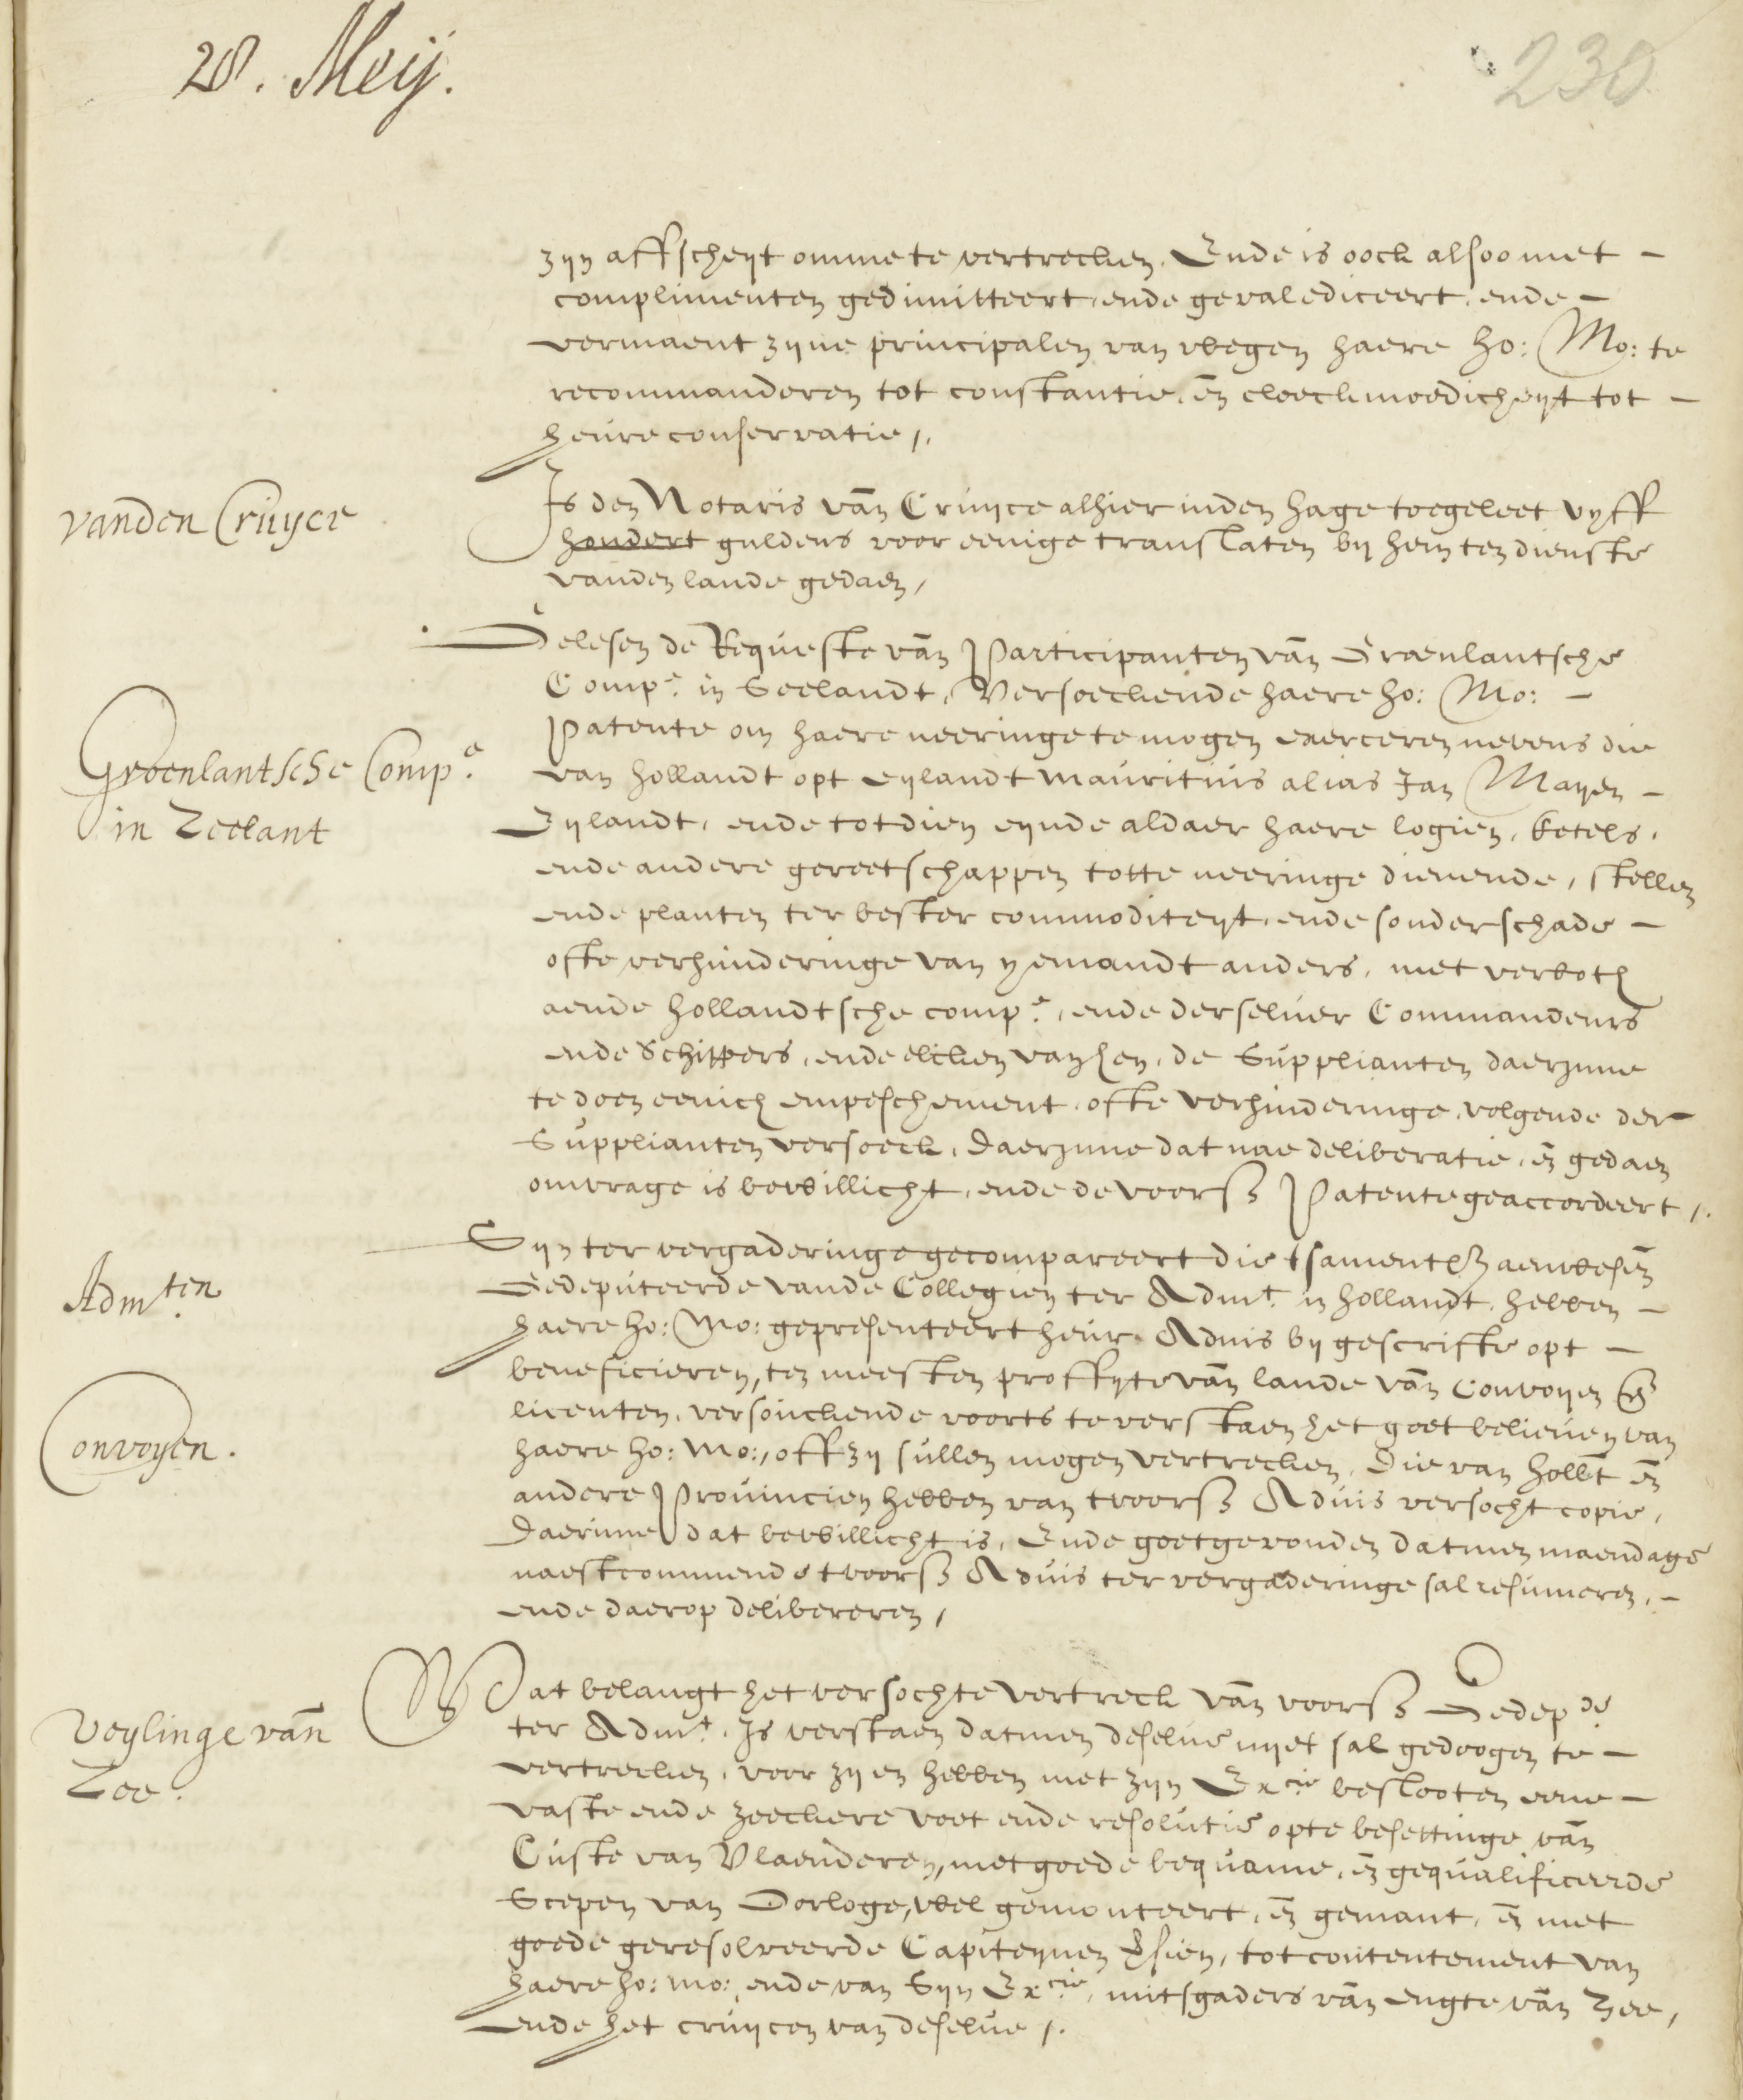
230
28. Meij.
zyn affscheyt omme te vertrecken. Ende is oock alsoo met -
complimenten gedimitteert ende gevalediceert ende -
vermaent zyne principalen van wegen haere Ho:Mo: te
recommanderen tot constantie, en cloeckmoedicheyt tot
heure conservatie.
Vanden Cruyce
Is den Notaris van Cruyce alhier inden Hage toegeleet vyff
hondert guldens voor eenige translaten bij hem ten dienste
vanden lande gedaen.
Groenlantsche Compe
in Zeelant
Gelesen de Requeste van participanten van Groenlantsche
Compe in Seelandt. Versoeckende haere Ho:Mo: -
patente om haere neeringe te mogen exerceren nevens die
van Hollandt opt eylandt Mauritius alias Jan Mayen
Eylandt, ende totdien eynde aldaer haere logien, ketels
ende andere gereetschappen totte neeringe dienende, stellen
ende planten ter bester commoditeyt ende sonder schade
ofte verhinderinge van yemandt anders met verboth
aende Hollandtsche compe, ende derseluer Commandeurs
ende schippers, ende elcken van hen, de supplianten daerinne
te doen eenich empeschement, ofte verhinderinge volgende der
supplianten versoeck, daerinne dat nae deliberatie, en gedaen
omvrage is bewillicht, ende de voors patente geaccordeert.
Admten
Convoyen.
Syn ter vergaderinge gecompareert die tsamentl aenwesen
Gedeputeerde vande Collegien ter Admt in Hollandt, hebben
haere Ho:Mo: gepresenteert heur Aduis by gescrifte opt
beneficieren, ten meesten proffyt van lande van convoyen &
licenten, versouckende voorts te verstaen het goet belieuen van
haere Ho:Mo:, off zy sullen mogen vertrecken die van Hollt en
andere Provincien hebben van tvoors Aduis versocht copie,
daerinne dat bewillicht is. Ende goetgevonden datmen maendags
naestcommende tvoors Aduis ter vergaderinge sal resumeren
ende daerop delibereren.
Veylinge van
Zee
Wat belangt het versochte vertreck van voors Gedepde
ter Admt, Is verstaen datmen deselue nyet sal gedoogen te -
vertrecken voor zy en hebben met zyn Excie beslooten eene
vaste ende zeeckere voet ende resoltie opte besettinge van
Custe van Vlaenderen, met goede bequame en gequalificeerde
scepen van Oorloge, wel gemonteert, en gemant, en met
goede geresolveerde Capiteynen vsien, tot contentement van
haere Ho:Mo: ende van sijn Excie, mitsgaders van engte van zee,
ende het cruycen van deselue.
